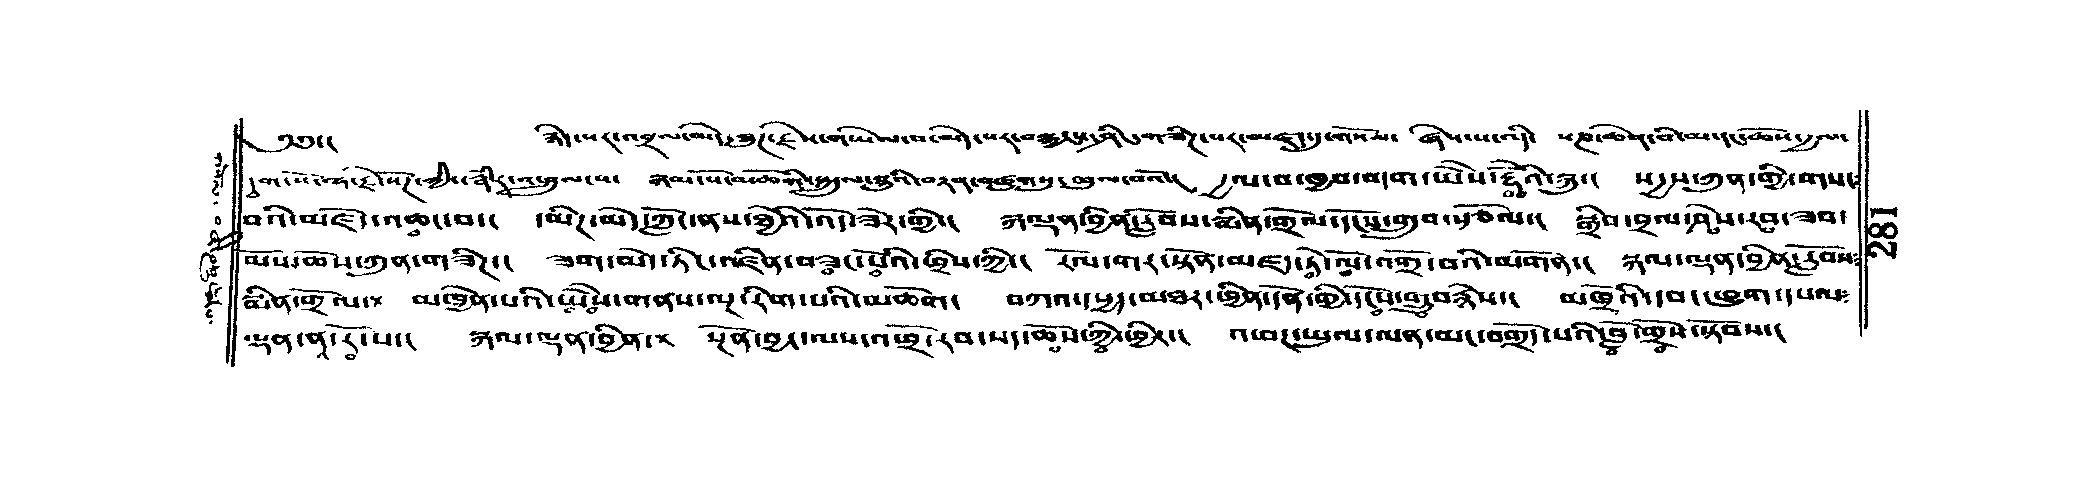སྙེད་པར་འབྲལ་མེད་ཐུགས་རྗེས་གཡེལ་བ་མེད་པར་སྐྱོང་ཤིང་གཟིགས་པར་མཛད་དུ་གསོལ། ཞེས་པ་འདི་པཎ་ཆེན་བི་མ་དང་ཆོས་རྒྱལ་
དྭགས་པོ་ལྷ་རྗེ་སོགས་ཀྱི་རྣམ་པར་འཕྲུལ་པ། སྒམ་པོ་མཆོག་གིས་སྤྲུལ་སྐུའི་བརྟན་བཞུགས་སུ་ཕུལ་བའོ།། རྒྱལ་བ་ཁྱབ་བདག་ཡེ་ཤེས་རྡོ་རྗེའི་སྐུ། །སངས་རྒྱས་ཀུན་གྱི་གསང་
བའི་མཛོད་འཆང་བ། །དམིགས་མེད་ཀློང་ནས་ཐུགས་རྗེའི་འོད་ཟེར་གྱི། །སྐལ་ལྡན་བྱིན་རློབས་སྨིན་གྲོལ་དངོས་གྲུབ་སྩོལ། །སྒྲིབ་བྲལ་ཤེས་རབ་ཟབ་
མོས་ཆོས་ཀུན་གཟིགས། །ཟག་མེད་ཏིང་འཛིན་བཟང་པོའི་ཕྲིན་ལས་ཀྱི། །རོལ་གར་སྟོན་མཛད་ཏེ་ལོ་འགྲོ་བའི་མགོན། །སྐལ་ལྡན་བྱིན་རློབས་
སྨིན་གྲོལ༴ །མཁྱེན་པའི་ཡེ་ཤེས་གནས་ལྔ་རིག་པའི་མཆོག །བཀའ་སྤྱད་མཐར་ཕྱིན་དོན་གྱི་དངོས་གྲུབ་བརྙེས། །མཁའ་འགྲོའི་དབང་ཕྱུག་དཔལ་
ལྡན་ནཱ་རོ་པ། སྐལ་ལྡན་བྱིན༴ །སྔོན་བྱང་ལས་འཕྲོ་རབ་སད་ཆོས་ཀྱི་ཕྱིར། །འཕགས་ཡུལ་ལན་མང་བགྲོད་པའི་བློ་གྲོས་སྟོབས།